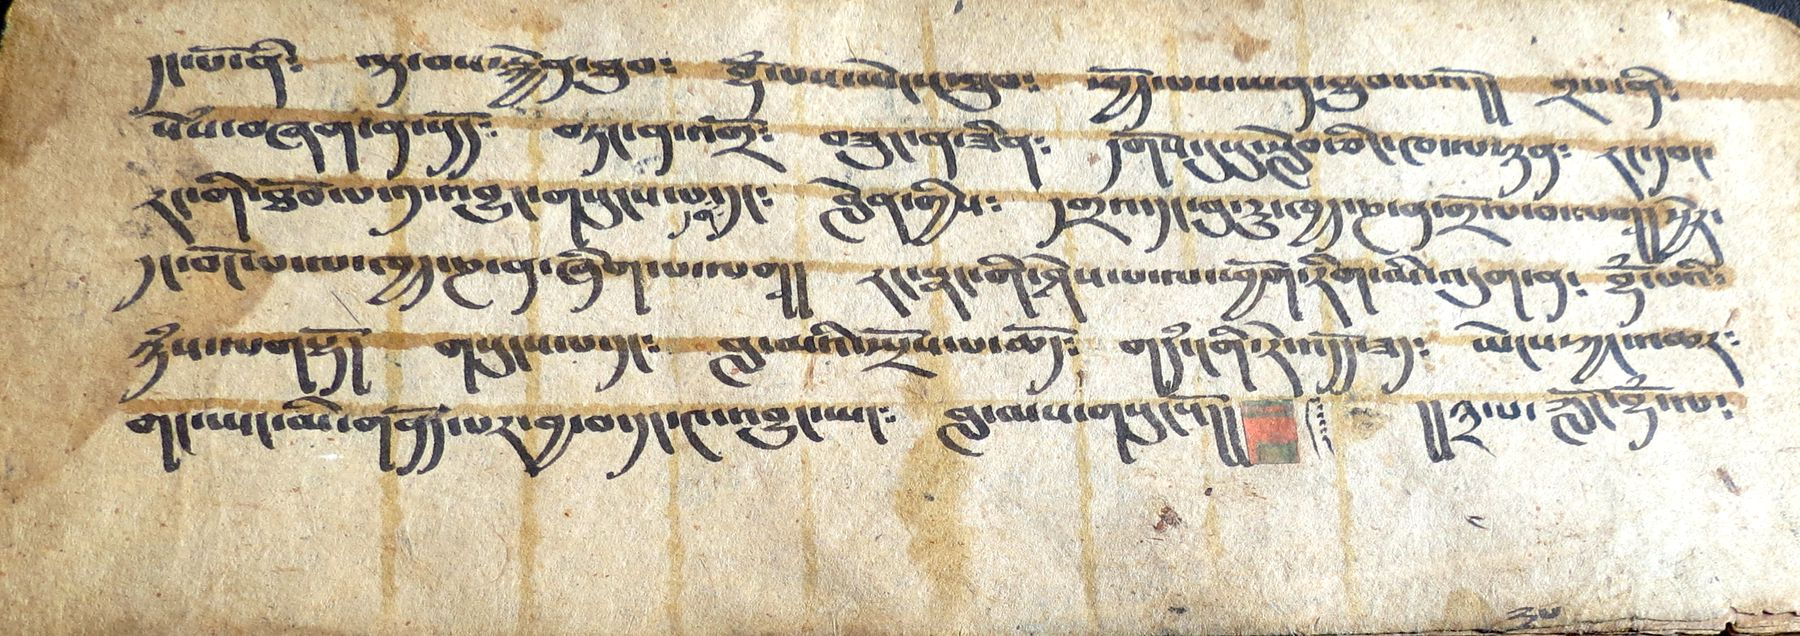དང་པོ་ནི་ལྟ་བས་རྐྱེན་ཐུབ་པ། སྒོམ་པས་ཡེངས་ཐུབ་པ། སྤྱོད་པས་ཡུན་ཐུབ་པའོ། གཉིས་པ་ནི། 
སེམས་བཞག་ན་སྡོད། བཏང་ན་འགྲོ། བཟུང་ན་ཟིན། དགོས་དུས་སླེབས་ཏེ། ཁ་ལ་ཉན་ཅིང་རང་དབང་
རང་གིས་ཐོབ་པ་ཞིག་འབྱུང་གསུངས་པ་དག་དང་། བླ་ཆེན་གྱིས་དགྲ་དང་བུ་རུ་ཁྱེད་མེད་ན་གྲོལ་བ་ལགས། གསེར་
དང་བོང་བ་ལ་ཁྱད་མེད་ན་ཞིག་པ་ལགས། རང་སྣང་གི་ཤེས་པ་ལ་ཕྱོགས་རིས་མི་འདུག་ན་སྒོམ་པའི་
ཉམས་ལགས་སོ་གསུངས་པ་དང་། བློ་ཡི་སྤྲོས་པ་ཆོད། གདམས་ངག་རེ་འདོད་ཟད། ཡེངས་ཀྱང་འཆར། 
གང་ཡང་མི་གནོད་པ་བྱ་བ་བཞི་འབྱུང་གསུངས་པའོ། ། གསུམ་པ་ཀློང་སྒོམ་ལ།